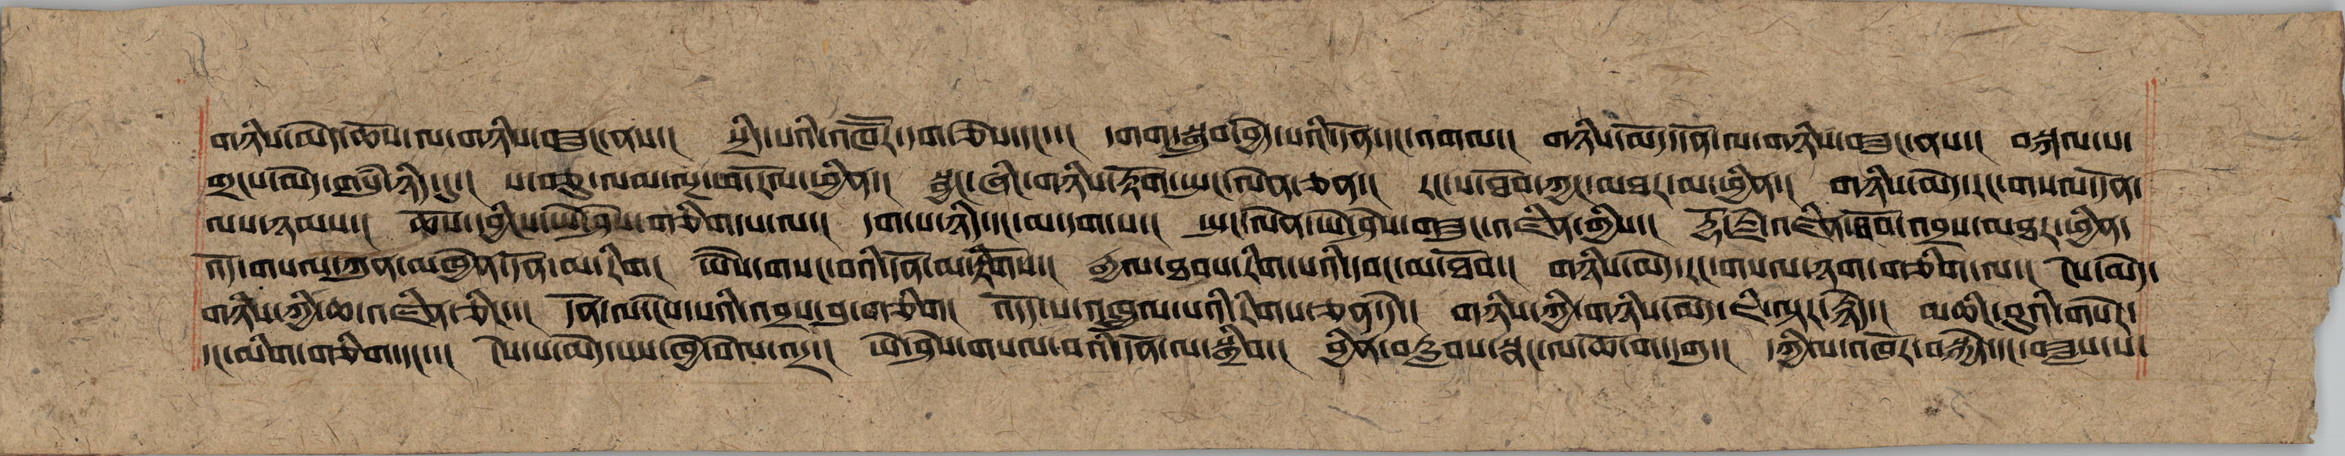གཉིས་མེད་ཆོས་ལ་གཉིས་བཟུང་ནས་། སྲིད་པའི་འཁཽར་དག་ཅེས་དང་་། དགག་སྒྲུབ་བྱེད་པའི་དོན་དང་འགལ་། གཉིས་མེད་དོན་ལ་གཉིས་བཟུང་ནས་། བསྐལ་པ་
གྲངས་མེད་གསུཾ་ཉིད་དུ་། ས་བཅུ་ལམ་ལྔ་ཕ་རོལ་ཕྱིན་། སྦྱང་ཞིང་གཉིས་རྟོག་སྤང་ལེན་ཅན་། རང་ས་ཐོབ་ཀྱང་མཐར་མ་ཕྱིན་། གཉིས་མེད་རང་གསལ་དོན་
ལས་ཉམས་། ཆོས་དབྱིངས་ཡེ་ཤེས་གཅིག་པ་ལ་། དག་པ་ཉིད་དང་མ་དག་པ་། སྤང་ལེན་ཡེ་ཤེས་གཟུང་འཛིན་གྱིས་། རྡོ་རྗེ་འཛིན་ཐོབ་འབྲས་མཐར་ཕྱིན་
འདོ་གསལ་ཀུན་མཁྱེན་དོན་མ་རིག།། ཡཻས་གསང་བའི་དོན་མ་རྟོགས་། རྒྱལ་ཐབས་རིག་པའི་དབང་མ་ཐོབ་། གཉིས་མེད་རང་གསལ་ཉག་གཅིག་ལ་། ངེས་མེད་
གཉིས་ཀྱི་ཆ་འཛིན་ཅིང་་། དོན་ལ་ངེས་པའི་འབྲས་བུ་གཅིག། འདོད་པ་འཁྲུལ་པའི་རིགས་ཅན་དེ་། གཉིས་ཀྱི་གཉིས་མེད་ཇི་ལྟར་རྙེད་། མཆིང་བུའི་གསེར་
དང་མིག་གཅིག་དང་་། ངེས་པ་མེད་པས་ཁྱེ་བེལ་འདྲ་། ཡེ་ཤེས་གསལ་བའི་དོན་ལ་སྒྲིབ་། བྱིན་བརླབས་སྣང་ལ་ཆོ་ག་དགུ་། དཀྱིལ་འཁོར་བསྐྱེད་དང་བཟླས་པ་